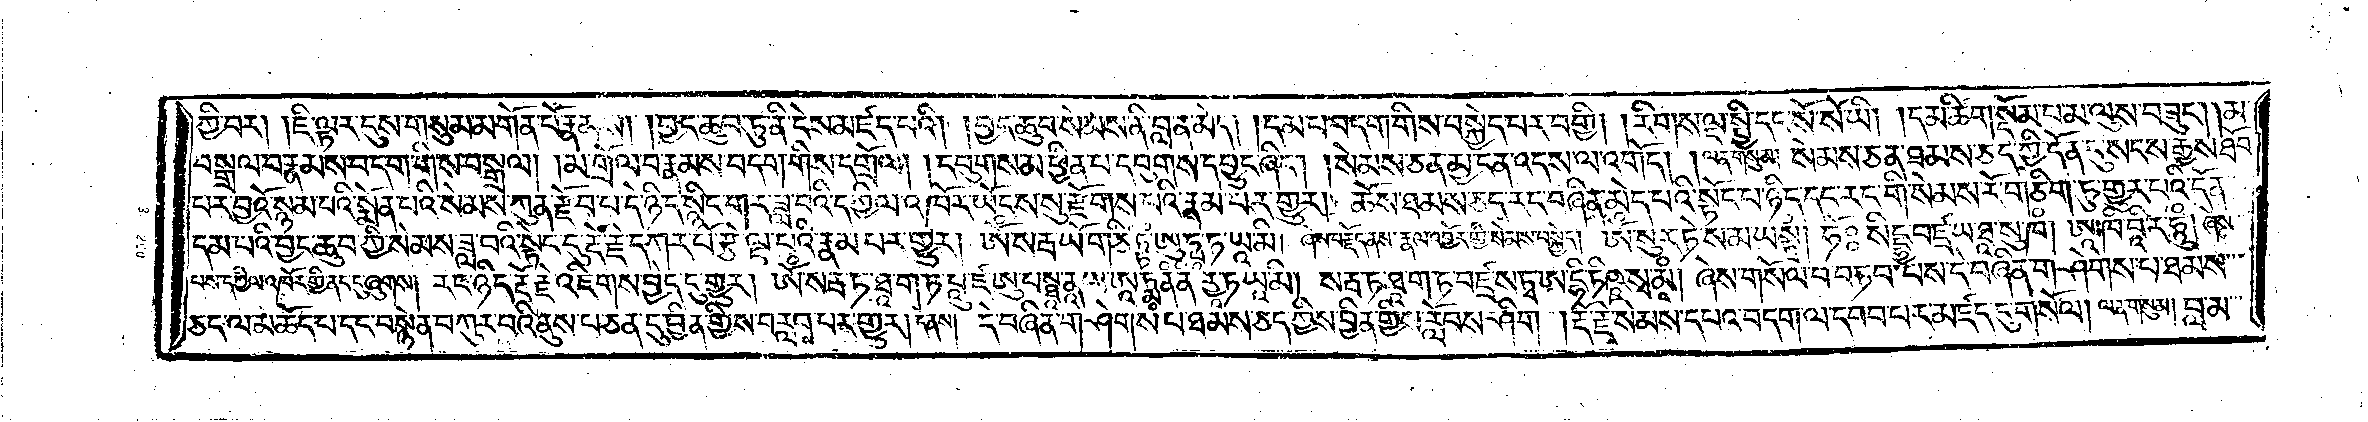ཀྱི་བར། །ཇི་ལྟར་དུས་གསུམ་མགོན་པོ་རྣམས། །བྱང་ཆུབ་ཏུ་ནི་དེས་མཛད་པའི། །བྱང་ཆུབ་སེམས་ནི་བླ་ན་མེད། །དམ་པ་བདག་གིས་བསྐྱེད་པར་བགྱི། །རིགས་ལྔ་སྤྱི་དང་སོ་སོ་ཡི། །དམ་ཚིག་སྡོམ་པ་མ་ལུས་བཟུང་། །མ་
བསྒྲལ་བ་རྣམས་བདག་གིས་བསྒྲལ། །མ་གྲོལ་བ་རྣམས་བདག་གིས་དགྲོལ། །དབུགས་མ་ཕྱིན་པ་དབུགས་དབྱུང་ཞིང་། །སེམས་ཅན་མྱ་ངན་འདས་ལ་འགོད། ལན་གསུམ།  སེམས་ཅན་ཐམས་ཅད་ཀྱི་དོན་དུ་སངས་རྒྱས་ཐོབ་
པར་བྱའོ་སྙམ་པའི་སྨོན་པའི་སེམས་ཀུན་རྫོབ་པ་དེ་ཉིད་སྙིང་གར་ཟླ་བའི་དཀྱིལ་འཁོར་ཡོངས་སུ་རྫོགས་པའི་རྣམ་པར་འགྱུར། ཆོས་ཐམས་ཅད་རང་བཞིན་མེད་པའི་སྟོང་པ་ཉིད་དང་རང་གི་སེམས་རོ་གཅིག་ཏུ་གྱུར་པའི་དོན་
དམ་པའི་བྱང་ཆུབ་ཀྱི་སེམས་ཟླ་བའི་སྟེང་དུ་རྡོ་རྗེ་དཀར་པོ་རྩེ་ལྔ་པའི་རྣམ་པར་གྱུར། ཨོཾ་སརྦ་ཡོ་གཙིཏྟཾ་ཨུཏྤ་ཏ་ཡཱ་མི། ཞེས་བརྗོད་ནས་རྣལ་འབྱོར་གྱི་སེམས་བསྐྱེད།  ཨོཾ་སུ་ར་ཏེ་ས་མ་ཡ་སྟྭཾ། ཧོཿ སིདྡྱ་བཛྲ་ཡ་ཐཱ་སུ་ཁཾ། ཨཱ་ཁ་བཱི་ར་ཧཱུཾ། ཞེས་
པས་དཀྱིལ་འཁོར་གྱི་ནང་དུ་ཞུགས། རང་ཉིད་རྡོ་རྗེ་འཇིགས་བྱེད་དུ་གྱུར། །ཨོཾ་སརྦ་ཏ་ཐཱ་ག་ཏ་པཱུ་ཛ་ཨུ་པསྠཱ་ནཱ་ཡ་ཨཱ་ཏྨཱ་ནཾ་ནི་རྱཱ་ཏ་ཡཱ་མི། སརྦ་ཏ་ཐཱ་ཏ་བཛྲ་སཏྭ་ཨ་དྷི་ཏི་ཥྠ་སྭ་མཱཾ། ཞེས་གསོལ་བ་བཏབ་པས་དེ་བཞིན་གཤེགས་པ་ཐམས་
ཅད་ལ་མཆོད་པ་དང་བསྙེན་བཀུར་བའི་ནུས་པ་ཅན་དུ་བྱིན་གྱིས་བརླབས་པར་གྱུར། དེ་ནས།  དེ་བཞིན་གཤེགས་པ་ཐམས་ཅད་ཀྱིས་བྱིན་གྱིས་རློབས་ཤིག །རྡོ་རྗེ་སེམས་དཔའ་བདག་ལ་དབབ་པར་མཛད་དུ་གསོལ། ལན་གསུམ།  བླ་མ་